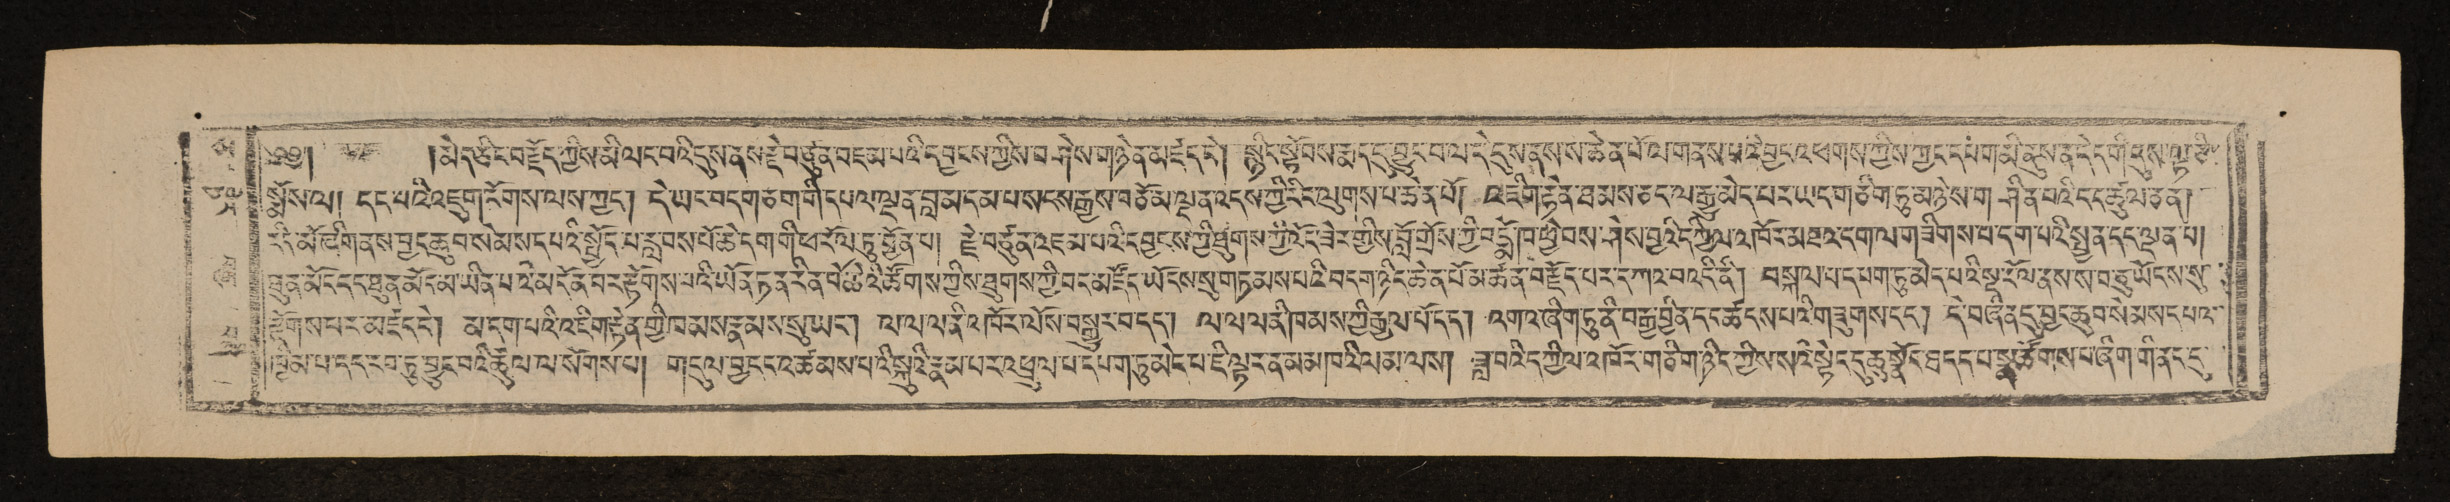༄༅། །མེད་ཅིང་བརྗོད་ཀྱིས་མི་ལང་བའི་དུས་ནས་རྗེ་བཙུན་འཇམ་པའི་དབྱངས་ཀྱིས་བཤེས་གཉེན་མཛད་དེ། སྙིང་སྟོབས་རྨད་དུ་བྱུང་བ་ལ་དེ་དུས་ནས་ས་ཆེན་པོ་ལ་གནས་པའི་བྱང་འཕགས་ཀྱིས་ཀྱང་དཔག་མི་ནུས་ན་དེང་གི་དུས་ལྟ་ཅི་
སྨོས་ལ། དད་པའི་འཇུག་ངོགས་ལས་ཀྱང་། དེ་ཡང་བདག་ཅག་གི་དཔལ་ལྡན་བླ་མ་དམ་པ་སངས་རྒྱས་བཅོམ་ལྡན་འདས་ཀྱི་རིང་ལུགས་པ་ཆེན་པོ། འཇིག་རྟེན་ཐམས་ཅད་ལ་རྒྱུ་མེད་པར་ཡང་གཅིག་ཏུ་མཉེས་གཤིན་པའི་ངང་ཚུལ་ཅན།
རིང་མོ་ཞིག་ནས་བྱང་ཆུབ་སེམས་དཔའི་སྤྱོད་པ་རླབས་པོ་ཆེ་དག་གི་ཕ་རོལ་ཏུ་བྱོན་པ། རྗེ་བཙུན་འཇམ་པའི་དབྱངས་ཀྱི་ཐུགས་ཀྱི་འོད་ཟེར་གྱིས་བློ་གྲོས་ཀྱི་པདམོ་ཁ་ཕྱེ་བས་ཤེས་བྱའི་དཀྱིལ་འཁོར་མཐའ་དག་ལ་གཟིགས་པ་དག་པའི་སྤྱན་དང་ལྡན་པ།
ཐུན་མོང་དང་ཐུན་མོང་མ་ཡིན་པའི་མངོན་པར་རྟོགས་པའི་ཡོན་ཏན་རིན་པོ་ཆེའི་ཚོགས་ཀྱིས་ཐུགས་ཀྱི་བང་མཛོད་ཡོངས་སུ་གཏམས་པའི་བདག་ཉིད་ཆེན་པོ་མཚན་བརྗོད་པར་དཀའ་བ་འདི་ནི། བསྐལ་པ་དཔག་ཏུ་མེད་པའི་སྔ་རོལ་ནས་ས་བཅུ་ཡོངས་སུ་
རྫོགས་པར་མཛད་དེ། མ་དག་པའི་འཇིག་རྟེན་གྱི་ཁམས་རྣམས་སུ་ཡང་། ལ་ལ་ལ་ནི་འཁོར་ལོས་བསྒྱུར་བ་དང་། ལ་ལ་ལ་ནི་ཁམས་ཀྱི་རྒྱལ་པོ་དང་། འགའ་ཞིག་ཏུ་ནི་བརྒྱ་བྱིན་དང་ཚངས་པའི་གཟུགས་དང་། དེ་བཞིན་དུ་བྱང་ཆུབ་སེམས་དཔའ་
ཁྱིམ་པ་དང་རབ་ཏུ་བྱུང་བའི་ཚུལ་ལ་སོགས་པ། གདུལ་བྱ་དང་འཚམས་པའི་སྐུའི་རྣམ་པར་འཕྲུལ་བ་དཔག་ཏུ་མེད་པ་ཇི་ལྟར་ནམ་མཁའི་ལམ་ལས། ཟླ་བའི་དཀྱིལ་འཁོར་གཅིག་ཉིད་ཀྱིས་སའི་སྟེང་དུ་ཆུ་སྣོད་ཐ་དད་པ་སྣ་ཚོགས་པ་ཞིག་གི་ནང་དུ་